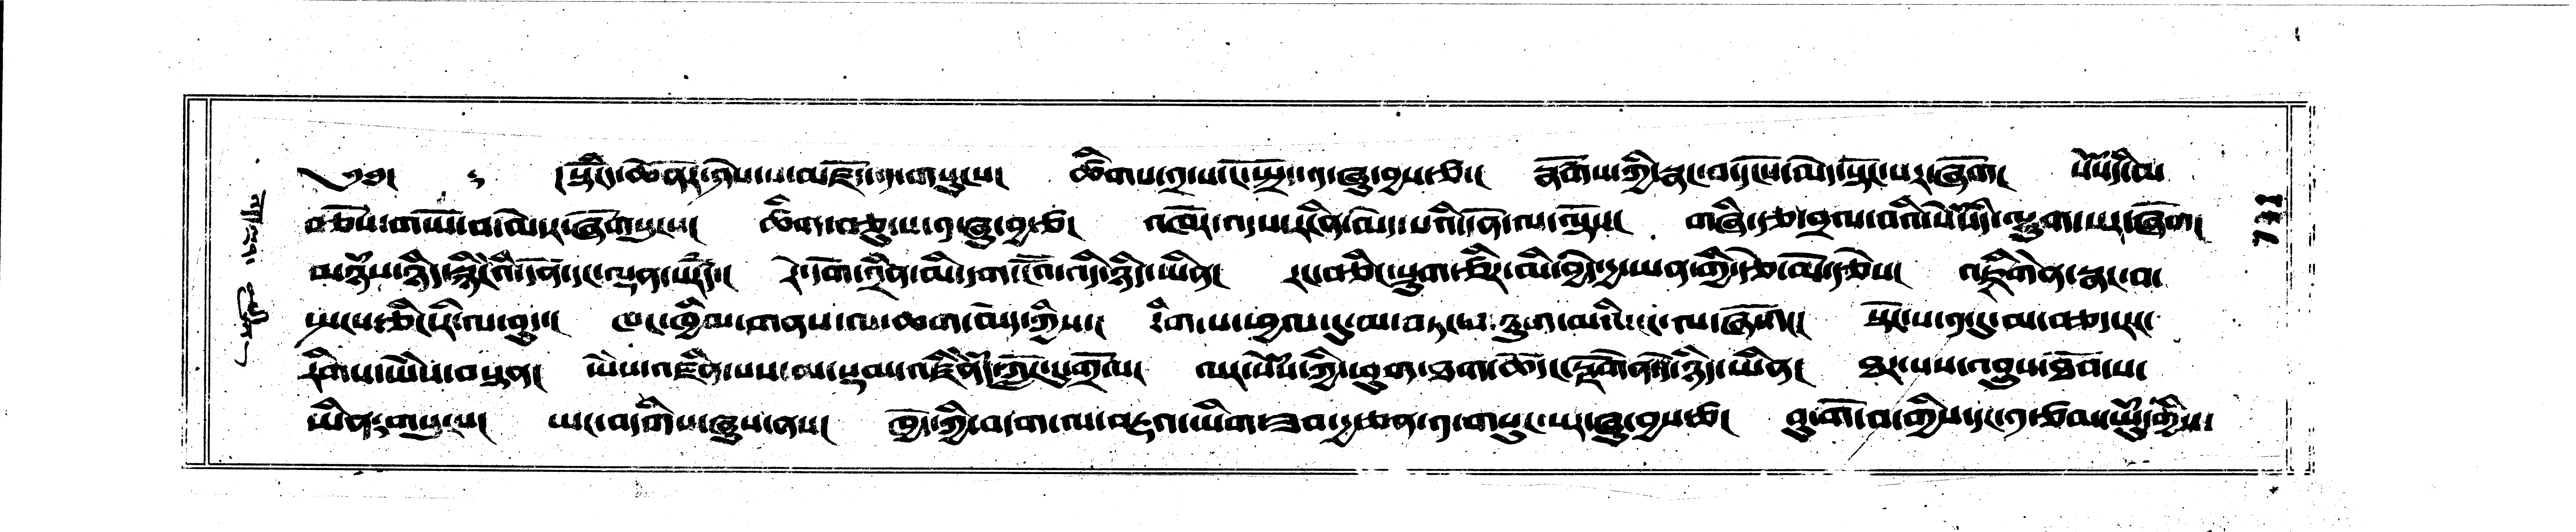སྟོང་ཉིད་ཆེན་པོར་ཤེས་པར་མཛོད་ཅིག་གསུངས། ཚིག་གཉིས་པ་ངོ་སྤྲོད་ཅིག་ཞུ་བྱས་ཙ། སྣ་ཚོགས་ཀྱི་སྣང་བ་དངོས་མེད་སྟོང་པར་ཞོག སེམས་ཉིད་མ་
བཅོས་གཡོ་བ་མེད་པར་ཞོག་གསུངས། ཚིག་བཅུ་པ་ཅིག་ཞུ་བྱས་ཙ། འཁོར་འདས་རང་བཞིན་མེད་པའི་དོན་ལ་ལྟོས། གཞི་རྩ་བྲལ་བའི་སེམས་ཉིད་ལྷུག་པར་ཞོག 
མཉམ་ཉིད་སྙིང་རྗེའི་དོན་དང་ལྡན་པར་མཛོད། རེ་དོགས་གཉིས་འཛིན་མི་བྱ་ངོའོ་འདི་ཉིད་ཡིན། རང་བཅིང་སྡུག་བཙིར་མི་བྱེད་རྒྱ་ཡན་གྱི་རྩེད་མོ་རྩེས། འཇིག་རྟེན་སྣང་བ་
སྤངས་ཤིང་རི་ལ་བུད། ཁང་ཁྱིམ་གནས་ལ་ཆགས་མེད་གྱིས། རིག་པ་ཕྱལ་དུ་མ་གཏོང་གཉུག་མའི་ངང་ལ་ཞོག སྟོང་པ་གཅིག་ཏུ་མ་བཅད་རང་
རིག་ཡེ་ཤེས་བསྟན། ཡེ་ཤེས་འཛིན་པས་མ་བསྡམས་འཛིན་མེད་ཀློང་དུ་གྲོལ། ལར་སེམས་ཀྱི་ཕུགས་ཐག་ཆོད་དང་རྫོགས་ཆེན་དེ་ཉིད་ཡིན། ཐར་པའི་འབྲས་བུ་ཐོབ་པ་
ཡིན་གསུངས། ཡང་བདག་གིས་ཞུས་ནས། ཁྱོད་ཀྱི་བདག་ལ་བརྡའ་ཡིག་ཟབ་རྒྱ་ཅན་ཅིག་གསུང་པར་ཞུ་བྱས་ཙ། བུ་གོ་བར་གྱིས་དང་གཅིག་ཙམ་ཡུམ་གྱིས་